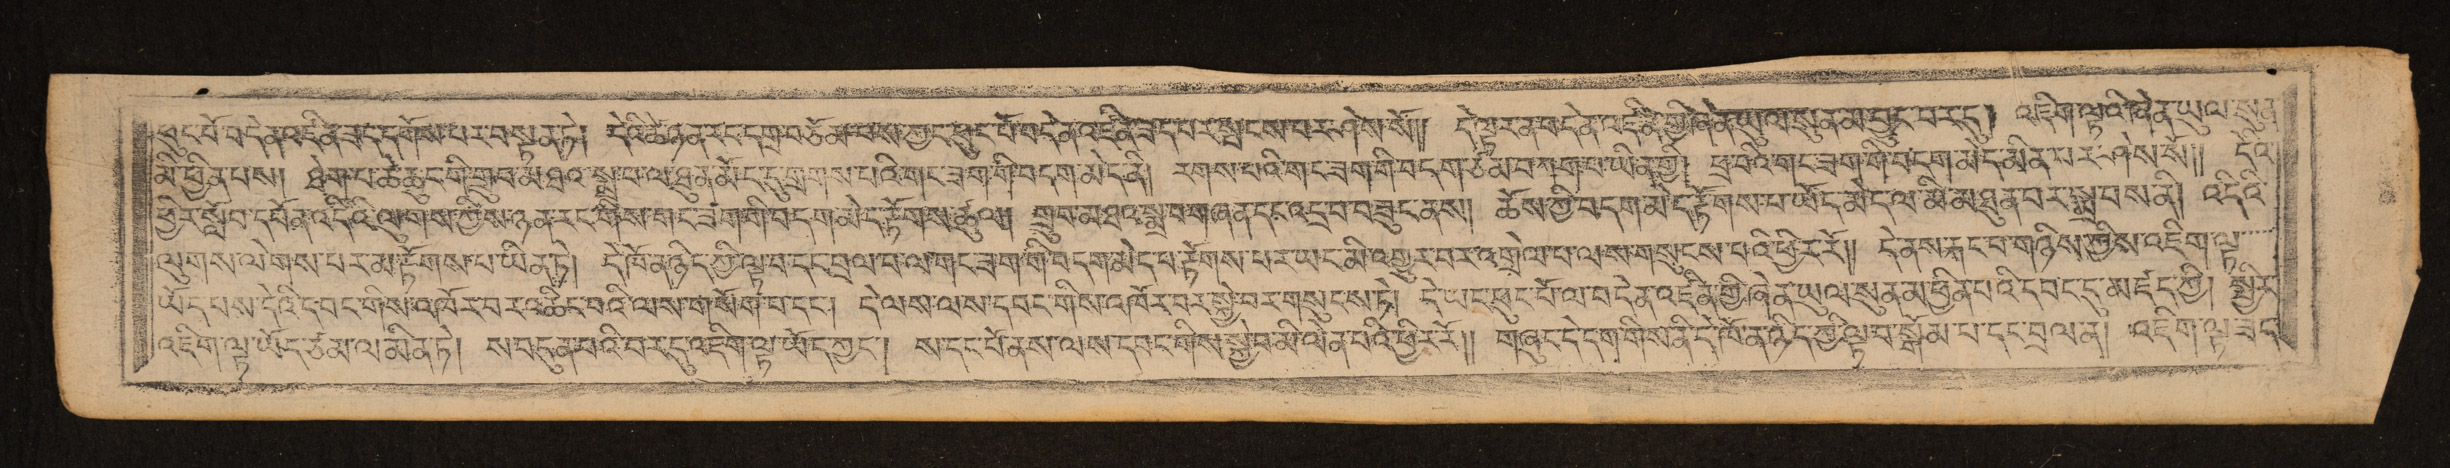ཕུང་པོ་བདེན་འཛིན་ཟད་དགོས་པར་བསྟན་ཏེ། དེའི་ཚེ་ཉན་རང་དགྲ་བཅོམ་པས་ཀྱང་ཕུང་པོ་བདེན་འཛིན་ཟད་པར་སྤངས་པར་ཤེས་སོ།། དེ་ལྟར་ན་བདེན་འཛིན་གྱི་ཞེན་ཡུལ་སུན་མ་ཕྱུང་བར་དུ། འཇིག་ལྟའི་ཞེན་ཡུལ་སུན་
མི་ཕྱིན་པས། ཐེག་པ་ཆེ་ཆུང་གི་གྲུབ་མཐའ་སྨྲ་བ་ལ་ཐུན་མོང་དུ་གྲགས་པའི་གང་ཟག་གི་བདག་མེད་ནི། རགས་པའི་གང་ཟག་གི་བདག་ཙམ་བཀག་པ་ཡིན་གྱི། ཕྲ་བའི་གང་ཟག་གི་བདག་མེད་མིན་པར་ཤེས་སོ།། དེའི་
ཕྱིར་སློབ་དཔོན་འདིའི་ལུགས་ཀྱིས་ཉན་རང་གིས་གང་ཟག་གི་བདག་མེད་རྟོགས་ཚུལ། གྲུབ་མཐའ་སྨྲ་བ་གཞན་དང་འདྲ་བ་བཟུང་ནས། ཆོས་ཀྱི་བདག་མེད་རྟོགས་པ་ཡོད་མེད་ལ་མི་མཐུན་པར་སྨྲ་བས་ནི། འདིའི་
ལུགས་ལེགས་པར་མ་རྟོགས་པ་ཡིན་ཏེ། དེ་ཁོ་ན་ཉིད་ཀྱི་ལྟ་བ་དང་བྲལ་བ་ལ་གང་ཟག་གི་བདག་མེད་པ་རྟོགས་པར་ཡང་མི་འགྱུར་བར་འགྲེལ་པ་ལས་གསུངས་པའི་ཕྱིར་རོ།། དེ་ནས་རྐང་པ་གཉིས་ཀྱིས་འཇིག་ལྟ་
ཡོད་པས་དེའི་དབང་གིས་འཁོར་བར་འཆིང་བའི་ལས་གསོག་པ་དང་། དེ་ལས་ལས་དབང་གིས་འཁོར་བར་སྐྱེ་བར་གསུངས་ཏེ། དེ་ཡང་ཕུང་པོ་ལ་བདེན་འཛིན་གྱི་ཞེན་ཡུལ་སུན་མ་ཕྱིན་པའི་དབང་དུ་མཛད་ཀྱི། སྤྱིར་
འཇིག་ལྟ་ཡོད་ཙམ་ལ་མིན་ཏེ། ས་བདུན་པའི་བར་དུ་འཇིག་ལྟ་ཡོད་ཀྱང་། ས་དང་པོ་ནས་ལས་དབང་གིས་སྐྱེ་བ་མི་ལེན་པའི་ཕྱིར་རོ།། གཞུང་དེ་དག་གིས་ནི་དེ་ཁོ་ན་ཉིད་ཀྱི་ལྟ་བ་སྒོམ་པ་དང་བྲལ་ན། འཇིག་ལྟ་ཟད་